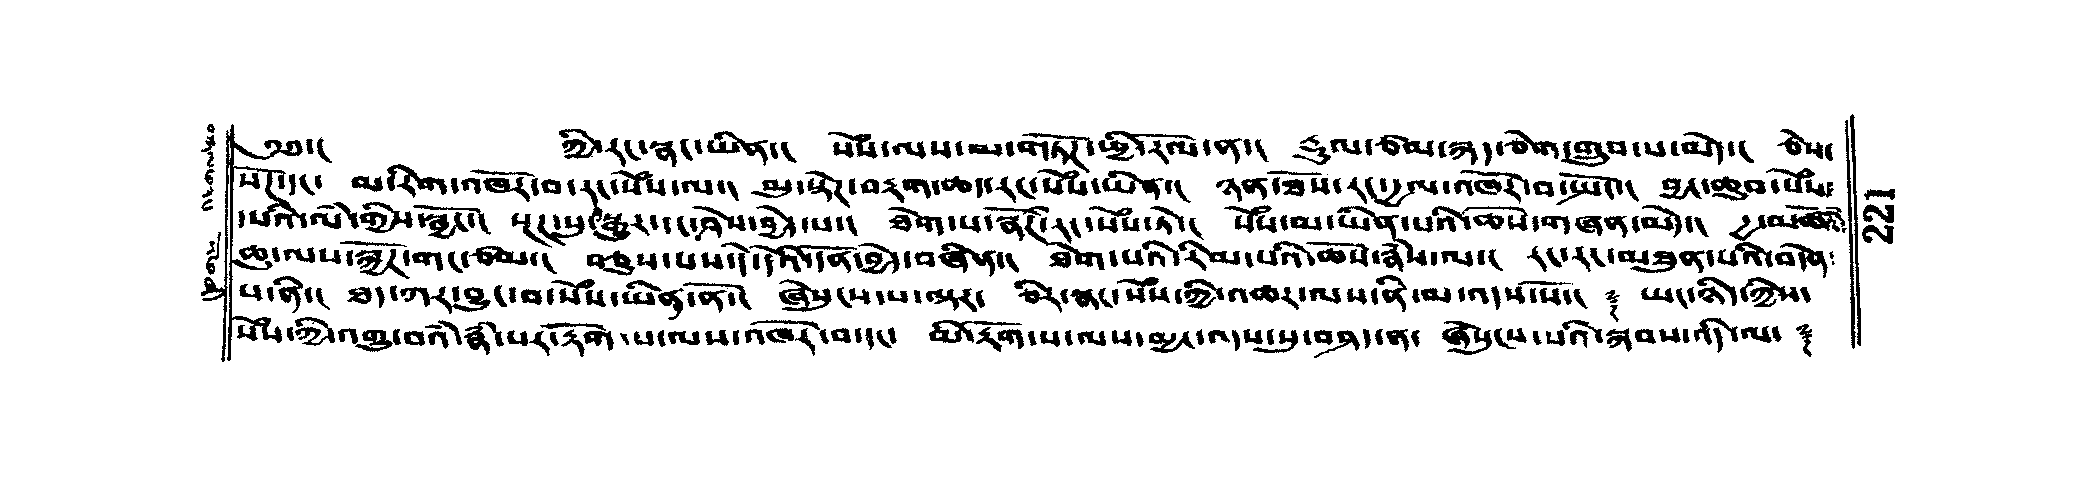ཀྱི་རང་སྣང་ཡིན། །སེམས་ལས་མ་གཏོགས་ཕྱི་རོལ་ན། །རྡུལ་ཙམ་སྐད་ཅིག་གྲུབ་པ་མེད། ཅེས་
སོགས་དང་། མ་རིག་འཁོར་བ་རང་སེམས་ལ། །མུ་སྟེགས་རྟག་ཆད་རང་སེམས་ཡིན། །ཉན་ཐོས་རང་རྒྱལ་འཁོར་བ་སྤོང་། །བྱང་ཆུབ་སེམས་
དཔའི་ལམ་གྱིས་སྦྱོང་། །སྔགས་སུ་བསྒྱུར་དང་ཤེས་བྱེད་པ། །ཐེག་པ་སྣ་ཚོགས་རང་སེམས་ཏེ། །སེམས་མ་ཡིན་པའི་ཆོས་གཞན་མེད། །རྒྱ་མཚོའི་
ཆུ་ལས་སྐྱོགས་གང་ཙམ། །བཅུས་པས་དེ་དེའི་དོན་བྱེད་བཞིན། །ཐེག་པའི་རིམ་པའི་ཆོས་རྣམས་ལ། །རང་རང་མཐུན་པའི་བདེན་
པ་ནི། །ཐད་ཀར་བྱུང་བ་སེམས་ཡིན་ནོ།ཞེས་གསུངས་པ་ལྟར། ཅིར་སྣང་སེམས་ཀྱི་འཆར་ལས་ནི་མ་འདས་སོ། ཡང་ཉིད་ཀྱིས་
སེམས་ཀྱི་འགྱུ་བའམ་རྣམ་པར་རྟོག་པ་ལས་འཁོར་བ་དང་། མི་རྟོག་པ་ལས་མྱང་འདས་སུ་བཤད་ན། ཞེས་གསུངས་པའི་སྐབས་འདི་ལ།